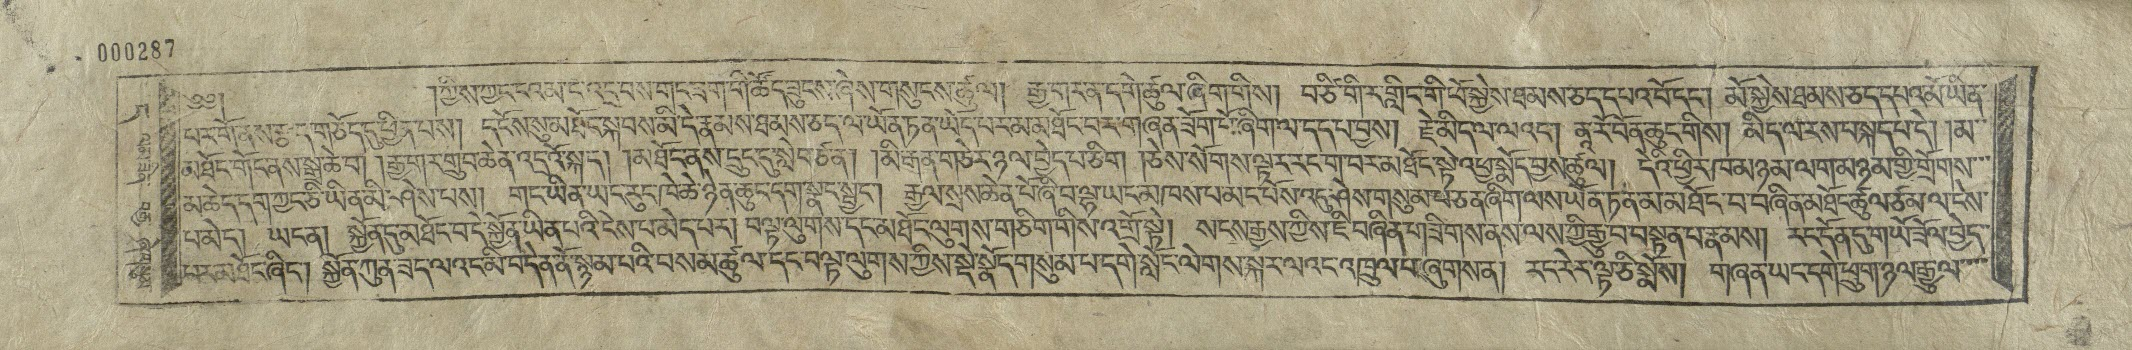༄༅། །ཀྱིས་ཀྱང་ངའམ་ང་འདྲ་བས་གང་ཟག་གི་ཚོད་ཟུངས་ཞེས་གསུངས་ཚུལ། རྒྱ་གར་ན་དགེ་ཚུལ་ཞིག་གིས། བ་ཙི་གི་ར་གླིང་གི་ཕོ་སྐྱེས་ཐམས་ཅད་དཔའ་བོ་དང་། མོ་སྐྱེས་ཐམས་ཅད་དཔའ་མོ་ཡིན་
པར་གོ་ནས་རྩད་གཅོད་དུ་ཕྱིན་པས། དངོས་སུ་མཐོང་སྐབས་མི་དེ་རྣམས་ཐམས་ཅད་ལ་ཡོན་ཏན་ཡོད་པར་མ་མཐོང་བར་གཞན་ཟོག་པོ་ཞིག་ལ་དད་པ་བྱས། རྗེ་མིད་ལ་ལའང་། ནཱ་རོ་བོན་ཆུང་གིས། མིད་ལ་རས་པ་སྐད་པ་དེ། །མ་
མཐོང་གོང་ནས་སྒྲ་ཆེ་བ། །རྒྱ་གར་གྲུབ་ཆེན་འདྲ་འོ་སྐད། །མཐོང་ནས་དྲུང་དུ་སླེབ་ཙ་ན། །མི་རྒན་གཅེར་ཉལ་བྱེད་པ་ཅིག །ཅེས་སོགས་ལྟར་རང་ག་བར་མཐོང་སྟེ་འཕྱ་སྨོད་བྱས་ཚུལ། དེའི་ཕྱིར་ཁ་མཉམ་ལག་མཉམ་གྱི་གྲོགས་
མཆེད་དག་ཀྱང་ཅི་ཡིན་མི་ཤེས་པས། གང་ཡིན་ཡང་རུང་ཁེ་ཆེ་ཉེན་ཆུང་དག་སྣང་སྦྱང་། རྒྱལ་སྲས་ཆེན་པོ་ཞི་བ་ལྷ་ཡང་མཁས་པ་མང་པོས་འདུ་ཤེས་གསུམ་པ་ཅན་ཞིག་ལས་ཡོན་ཏན་མ་མཐོང་བ་བཞིན་མཐོང་ཚུལ་ཙམ་ལ་ངེས་
པ་མེད། ཡང་ན། སྐྱོན་དུ་མཐོང་བ་དེ་སྐྱོན་ཡིན་པའི་ངེས་པ་མེད་པར། བལྟ་ལུགས་དང་མཐོང་ལུགས་གཅིག་གིས་འགྲོ་སྟེ། སངས་རྒྱས་ཀྱིས་ཇི་བཞིན་གཟིགས་ནས་ལས་ཀྱི་རྒྱུ་བ་བསྟན་པ་རྣམས། རང་དོན་དུ་གཡོ་ཟོལ་བྱེད་
པར་མཐོང་ཞིང་། སྐྱོན་ཀུན་ཟད་ལའང་མི་བདེན་ནོ་སྙམ་པའི་བསམ་ཚུལ་དང་བལྟ་ལུགས་ཀྱིས་སྡེ་སྣོད་གསུམ་པ་དགེ་སློང་ལེགས་སྐར་ལའང་འཁྲུལ་པ་ཞུགས་ན། རང་རེར་ལྟ་ཅི་སྨོས། གཞན་ཡང་དགེ་ཕྲུག་ཉལ་རྒྱུ་ལ་